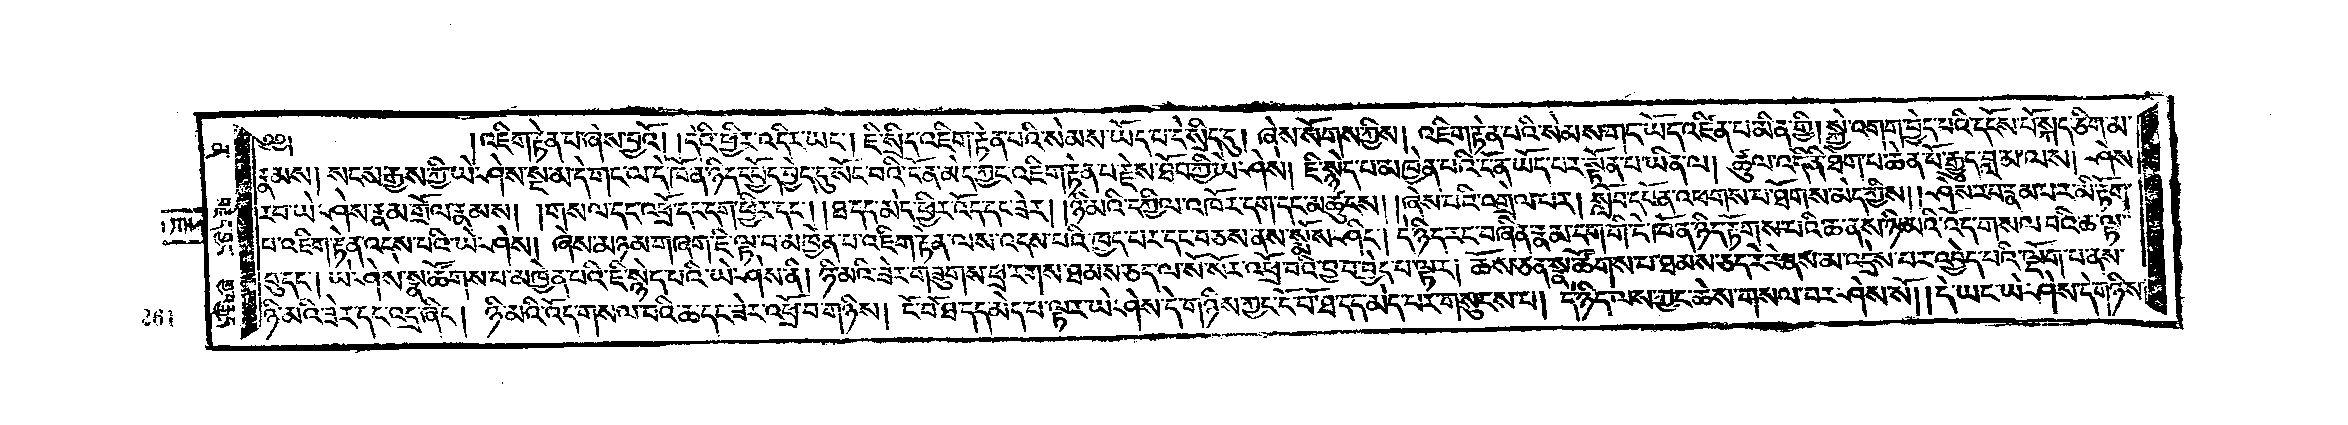༄༅། །འཇིག་རྟེན་པ་ཞེས་བྱའོ། །དེའི་ཕྱིར་འདིར་ཡང་། ཇི་སྲིད་འཇིག་རྟེན་པའི་སེམས་ཡོད་པ་དེ་སྲིད་དུ། ཞེས་སོགས་ཀྱིས། འཇིག་རྟེན་པའི་སེམས་གང་ཡོད་འཛིན་པ་མིན་གྱི། སྐྱེ་འགག་བྱེད་པའི་དངོས་པོ་སྐད་ཅིག་མ་
རྣམས། སངས་རྒྱས་ཀྱི་ཡེ་ཤེས་སྔ་མ་དེ་གང་ལ་དེ་ཁོ་ན་ཉིད་དཔྱོད་བྱེད་དུ་སོང་བའི་དོན་མེད་ཀྱང་འཇིག་རྟེན་པ་རྗེས་ཐོབ་ཀྱི་ཡེ་ཤེས། ཇི་སྙེད་པ་མཁྱེན་པའི་དོན་ཡོད་པར་སྟོན་པ་ཡིན་ལ། ཚུལ་འདི་ནི་ཐེག་པ་ཆེན་པོ་རྒྱུད་བླ་མ་ལས། ཤེས་
རབ་ཡེ་ཤེས་རྣམ་གྲོལ་རྣམས། །གསལ་དང་འཕྲོ་དང་དག་ཕྱིར་དང་། །ཐ་དད་མེད་ཕྱིར་འོད་དང་ཟེར། །ཉི་མའི་དཀྱིལ་འཁོར་དག་དང་མཚུངས། །ཞེས་པའི་འགྲེལ་པར། སློབ་དཔོན་འཕགས་པ་ཐོགས་མེད་ཀྱིས། །ཤེས་རབ་རྣམ་པར་མི་རྟོག་
པ་འཇིག་རྟེན་འདས་པའི་ཡེ་ཤེས། ཞེས་མཉམ་གཞག་ཇི་ལྟ་བ་མཁྱེན་པ་འཇིག་རྟེན་ལས་འདས་པའི་ཁྱད་པར་དང་བཅས་ནས་སྨོས་ཤིང་། དེ་ཉིད་རང་བཞིན་རྣམ་དག་གི་དེ་ཁོ་ན་ཉིད་རྟོགས་པའི་ཆ་ནས་ཉི་མའི་འོད་གསལ་བའི་ཆ་ལྟ་
བུ་དང་། ཡེ་ཤེས་སྣ་ཚོགས་པ་མཁྱེན་པའི་ཇི་སྙེད་པའི་ཡེ་ཤེས་ནི། ཉི་མའི་ཟེར་གཟུགས་ཕྲ་རགས་ཐམས་ཅད་ལ་སོ་སོར་འཕྲོ་བའི་བྱ་བ་བྱེད་པ་ལྟར། ཆོས་ཅན་སྣ་ཚོགས་པ་ཐམས་ཅད་རེ་རེ་ནས་མ་འདྲེས་པར་འབྱེད་པའི་ལྡོག་པ་ནས་
ཉི་མའི་ཟེར་དང་འདྲ་ཞིང་། ཉི་མའི་འོད་གསལ་བའི་ཆ་དང་ཟེར་འཕྲོ་བ་གཉིས། ངོ་བོ་ཐ་དད་མེད་པ་ལྟར་ཡེ་ཤེས་དེ་གཉིས་ཀྱང་ངོ་བོ་ཐ་དད་མེད་པར་གསུངས་པ། དེ་ཉིད་ལས་ཀྱང་ཆེས་གསལ་བར་ཤེས་སོ། །དེ་ཡང་ཡེ་ཤེས་དེ་གཉིས་